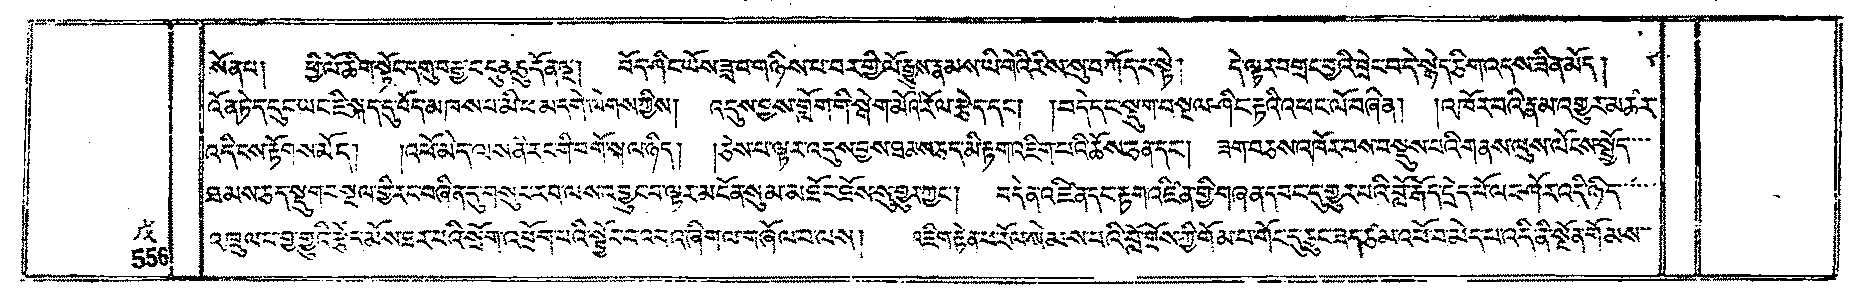སོན་པ། ཕྱི་ལོ་ཆིག་སྟོང་དགུ་བརྒྱ་བདུན་ཅུ་དོན་ལྔ། བོད་ཤིང་ཡོས་ཟླ་བ་གཉིས་པ་བར་གྱི་ལོ་རྒྱུས་རྣམས་ཡི་གེའི་རིས་སུ་བཀོད་པ་སྟེ། དེ་ལྟར་བགྲང་བྱའི་ཕྲེང་བ་དེ་སྙེད་ཅིག་འདས་ཟིན་མོད།
འོན་ཏེ་ད་དུང་ཡང་ཇི་སྐད་དུ་བོད་མཁས་པ་མི་ཕམ་དགེ་ལེགས་ཀྱིས། འདུས་བྱས་གློག་གི་སྒེག་མོའི་རོལ་རྩེད་དང་། །བདེ་དང་སྡུག་བསྔལ་ཤིང་རྟའི་འཕང་ལོ་བཞིན། །འཁོར་བའི་རྣམ་འགྱུར་མཚར་
འདི་ངས་རྟོགས་མོད། །འཕོ་མེད་ལས་ནི་རང་གི་བགོ་སྐལ་ཉིད། །ཅེས་པ་ལྟར་འདུས་བྱས་ཐམས་ཅད་མི་རྟག་འཇིག་པའི་ཆོས་ཅན་དང་། ཟག་བཅས་འཁོར་བས་བསྡུས་པའི་གནས་ལུས་ལོངས་སྤྱོད་
ཐམས་ཅད་སྡུག་བསྔལ་གྱི་རང་བཞིན་དུ་གསུང་རབ་ལས་འབྱུང་བ་ལྟར་མངོན་སུམ་མཐོང་ཐོས་སུ་གྱུར་ཀྱང་། བདེན་འཛིན་དང་རྟག་འཛིན་གྱི་གཞན་དབང་དུ་གྱུར་པའི་བློ་རྒོད་དྲེད་པོ་ལང་ཤོར་འདི་ཉིད་
འཁྲུལ་པ་གྱ་གྱུའི་རྩེད་མོས་ཐར་པའི་སྲོག་འཕྲོག་པའི་སྦྱོར་བ་འབའ་ཞིག་ལ་གཞོལ་བ་ལས། འཇིག་རྟེན་ཕ་རོལ་སེམས་པའི་བློ་གྲོས་ཀྱི་གོམ་པ་གོང་དུ་ཅུང་ཟད་ཙམ་འཕོ་བ་མེད་པ་འདི་ནི་སྔོན་གོམས་